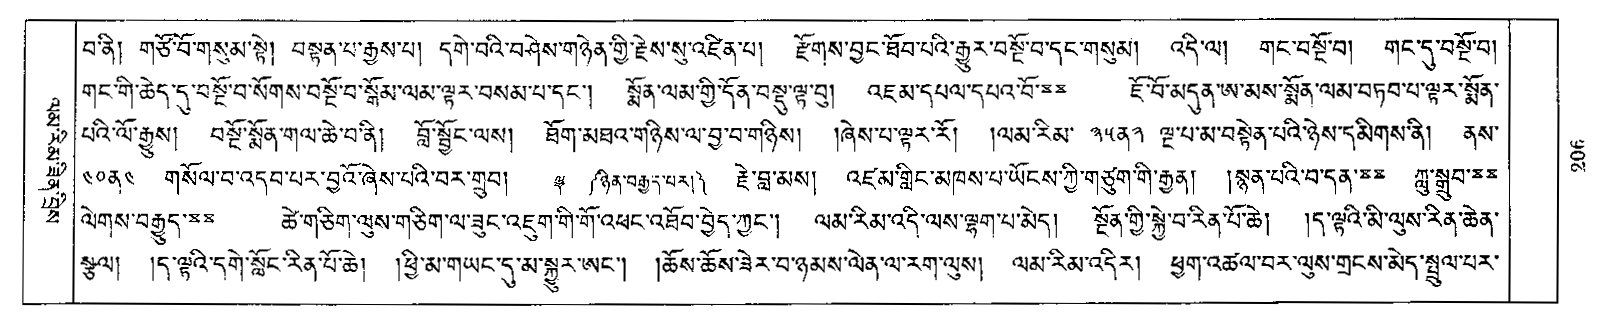བ་ནི། གཙོ་བོ་གསུམ་སྟེ། བསྟན་པ་རྒྱས་པ། དགེ་བའི་བཤེས་གཉེན་གྱི་རྗེས་སུ་འཛིན་པ། རྫོགས་བྱང་ཐོབ་པའི་རྒྱུར་བསྔོ་བ་དང་གསུམ། འདི་ལ། གང་བསྔོ་བ། གང་དུ་བསྔོ་བ།
གང་གི་ཆེད་དུ་བསྔོ་བ་སོགས་བསྔོ་བ་སྒོམ་ལམ་ལྟར་བསམ་པ་དང་། སྨོན་ལམ་གྱི་དོན་བསྡུ་ལྟ་བུ། འཇམ་དཔལ་དཔའ་བོ་྾྾་ཇོ་བོ་མདུན་ཨ་མས་སྨོན་ལམ་བཏབ་པ་ལྟར་སྨོན་
པའི་ལོ་རྒྱུས། བསྔོ་སྨོན་གལ་ཆེ་བ་ནི། བློ་སྦྱོང་ལས། ཐོག་མཐའ་གཉིས་ལ་བྱ་བ་གཉིས། །ཞེས་པ་ལྟར་རོ། །ལམ་རིམ ༣༥་ན ༢་ལྔ་པ་མ་བསྟེན་པའི་ཉེས་དམིགས་ནི། ནས་
༤༠་ན ༤་གསོལ་བ་འདབ་པར་བྱའོ་ཞེས་པའི་བར་གྲུབ། ༈ ?ཉིན་བརྒྱད་པར། རྗེ་བླ་མས། འཛམ་གླིང་མཁས་པ་ཡོངས་ཀྱི་གཙུག་གི་རྒྱན། །སྙན་པའི་བ་དན་྾྾་ཀླུ་སྒྲུབ་྾྾་
ལེགས་བརྒྱུད་྾྾་ཚེ་གཅིག་ལུས་གཅིག་ལ་ཟུང་འཇུག་གི་གོ་འཕང་འཐོབ་བྱེད་ཀྱང་། ལམ་རིམ་འདི་ལས་ལྷག་པ་མེད། སྔོན་གྱི་སྐྱེ་བ་རིན་པོ་ཆེ། །ད་ལྟའི་མི་ལུས་རིན་ཆེན་
སྩལ། །ད་ལྟའི་དགེ་སློང་རིན་པོ་ཆེ། །ཕྱི་མ་གཡང་དུ་མ་སྐྱུར་ཨང་། །ཆོས་ཆོས་ཟེར་བ་ཉམས་ལེན་ལ་རག་ལུས། ལམ་རིམ་འདིར། ཕྱག་འཚལ་བར་ལུས་གྲངས་མེད་སྤྲུལ་པར་